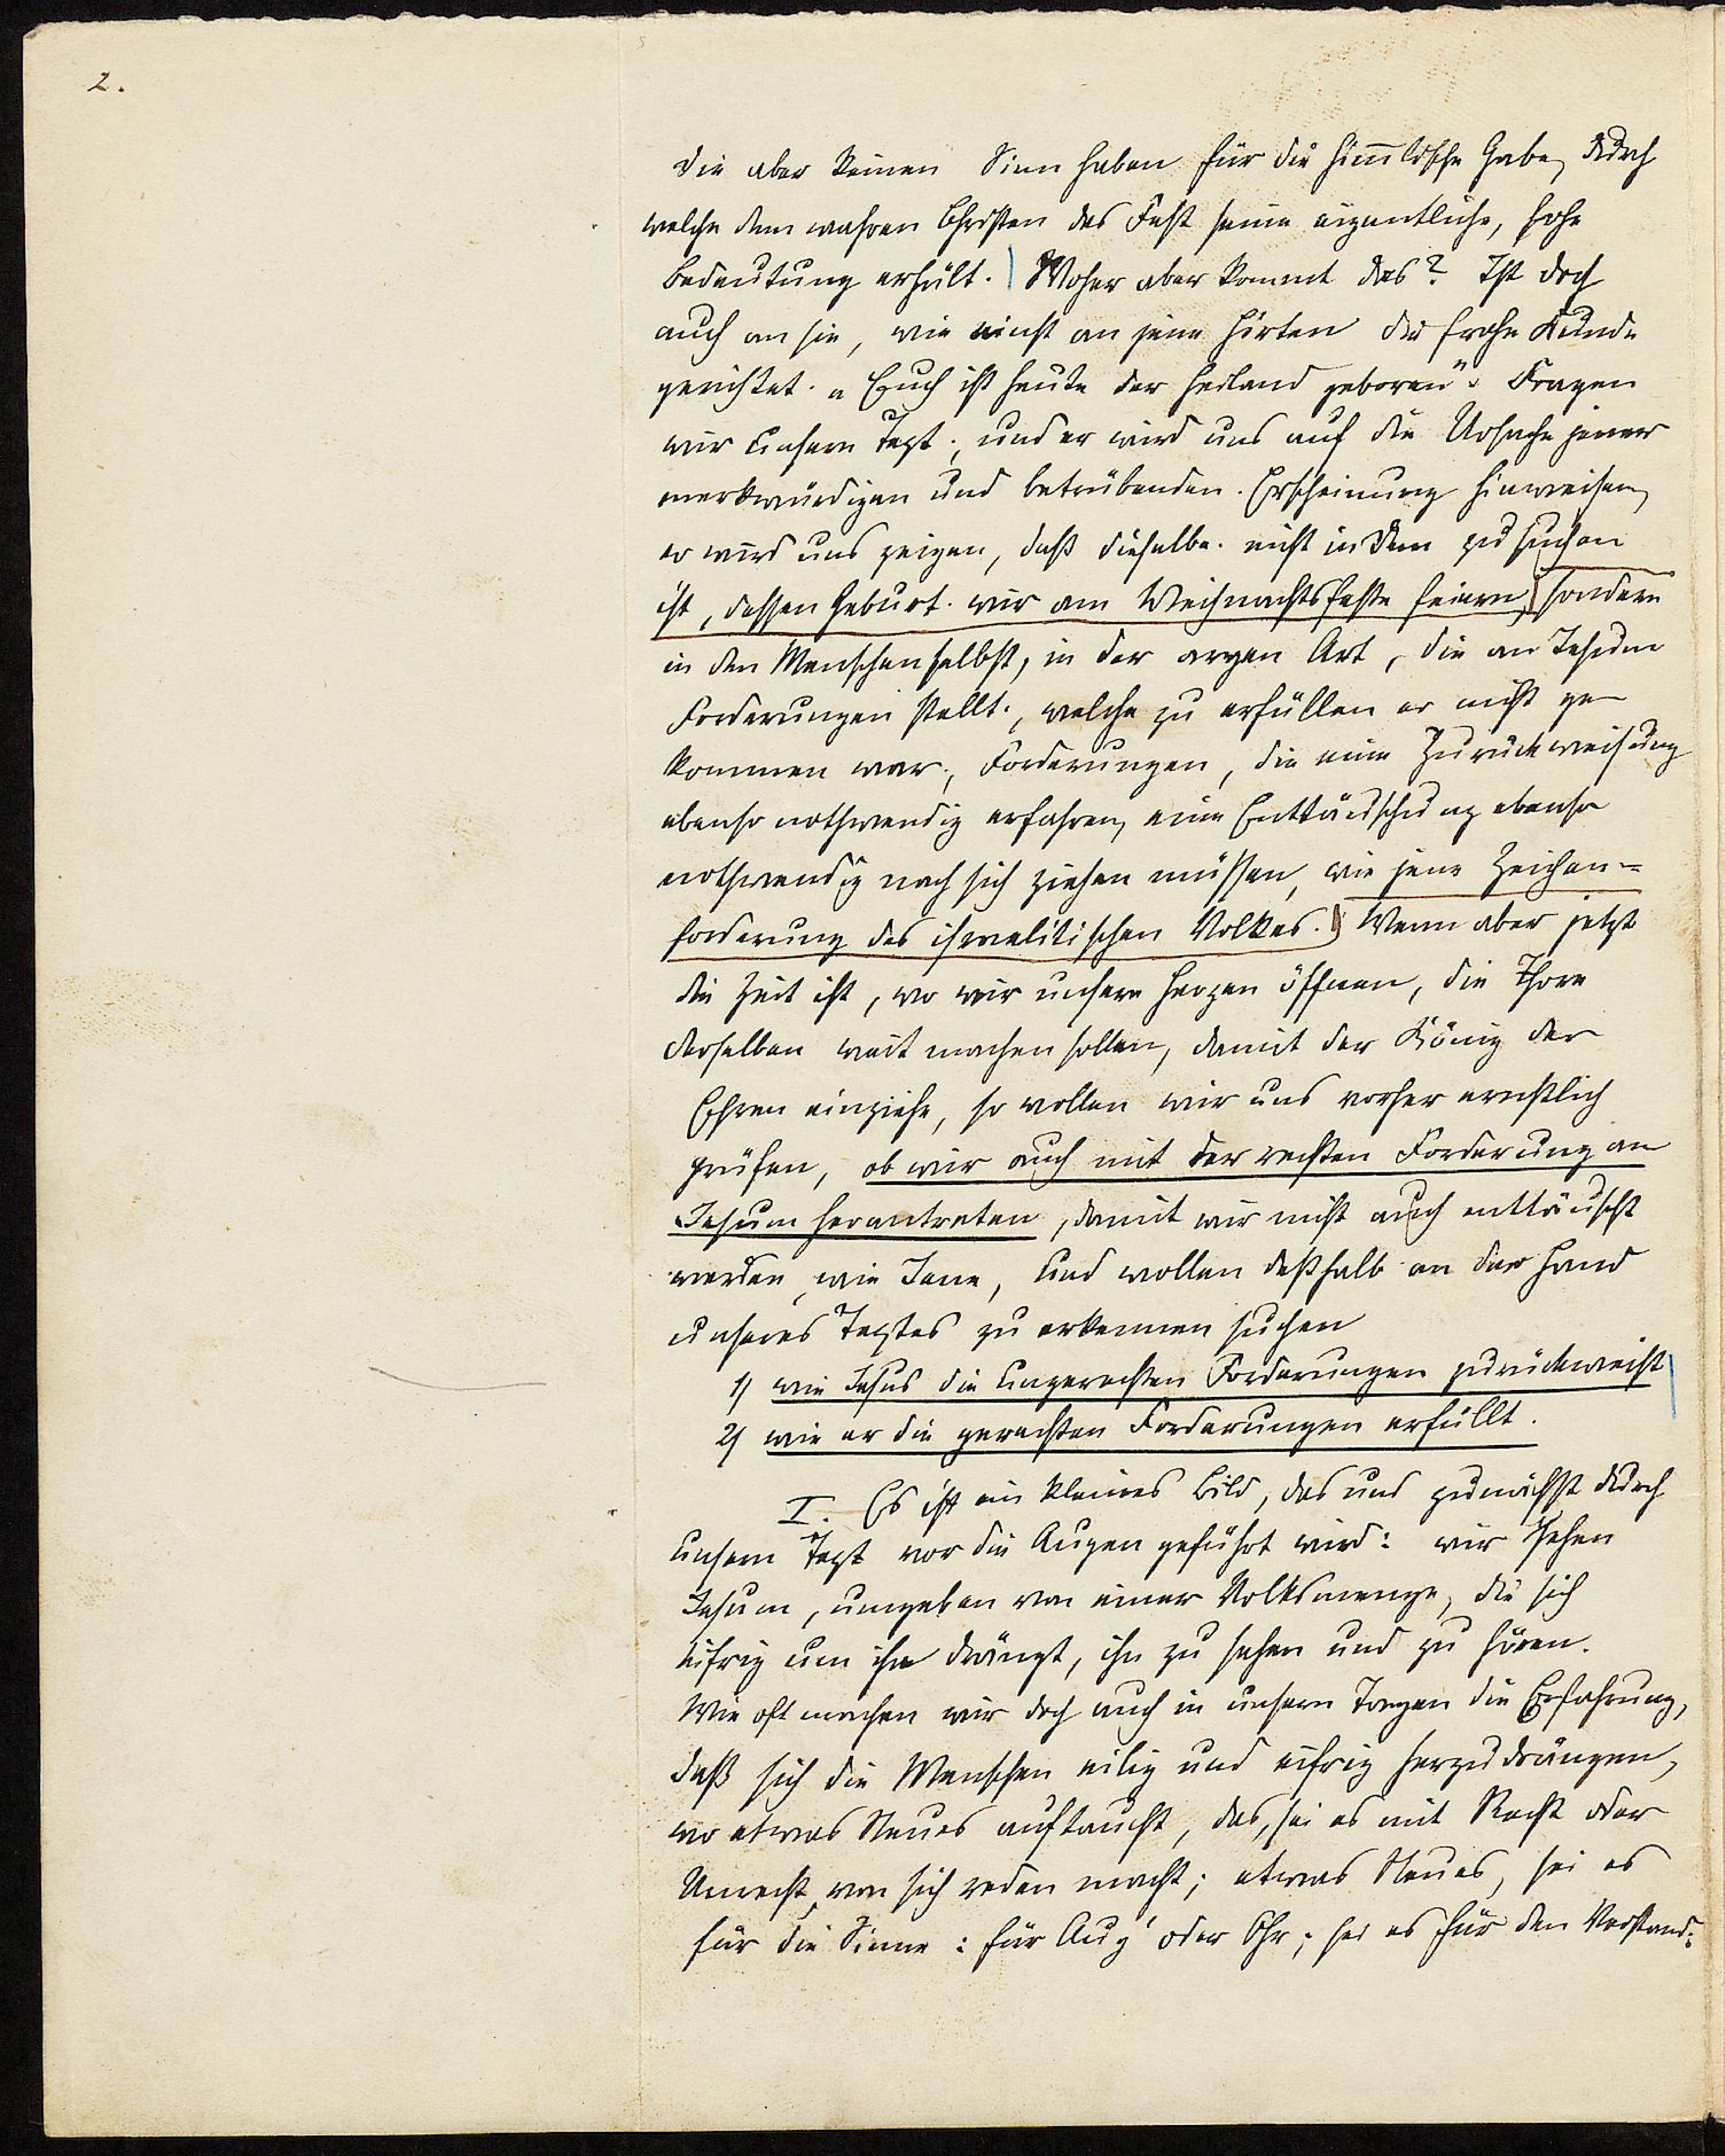2.
die aber keinen Sinn haben für die himlischen Gabe, durch
welche dem wahren Christen, das Fest seine eigentlche, hohe
Bedeutung erhält. Woher aber kommt das? Ist doch
auch an sie, wie einst an jene Hirten die frohe Kunde
gerichtet "Euch ist heute der Heiland geboren". Fragen
wir unsern Text; und er wird uns auf die Ursache jener
merkwürdigen und betrübenden Erscheinung hinweisen,
er wird uns zeigen, daß dieselbe nicht in dem zu suchen
ist, dessen Geburt wir am Weihnachtsfeste feiern, sondern
in den Menschen selbst, in der arten Art, die an Jesum
Foderungen stellt, welche zu erfüllen er nicht ge¬
kommen war, Forderungen, die eine Zurückweisung
ebenso nothwendig erfahren, eine Enttäuschung ebenso
nothwendig nach sich ziehen müssen, wie jene Zeichen¬
forderung des israelitischen Volkes. Wenn aber jetzt
die Zeit ist, wo wir unsere Herzen öffenen, die Thore
derselben weit machen sollen, damit der König der
Ehren einziehe, so wollen wir uns voher ernstlich
prüfen, ob wir auch mit der richten Forderung an
Jesum herantreten, damit wir nicht auch enttäuscht
werden, wie Jene, und wollen deßhalb an der Hand
unseres Textes zu erkennen suchen
1) wie Jesus die ungerechten Forderungen zurückweist
2) wie er die gerechten Forderungen erfüllt.
I. Es ist ein kleines Bild, das und zunächst durch
unsern Text vor die Augen geführt wird: wir sehen
Jesum, umgeben von einer Volksmenge, die sich
eifrig um ihn, ihn zu sehen und zu hören.
Wie oft machen wir doch auch in unsern Tagen die Erfahrung,
daß sich die Menschen eilig und eifrig herzudrängen,
wo etwas Neues auftaucht, das, sei es mit Recht oder
Unrecht, von sich reden macht, etwas Neues, sei es
für die Sinne: für Aug' oder Ohr; sei es für den Verstand;